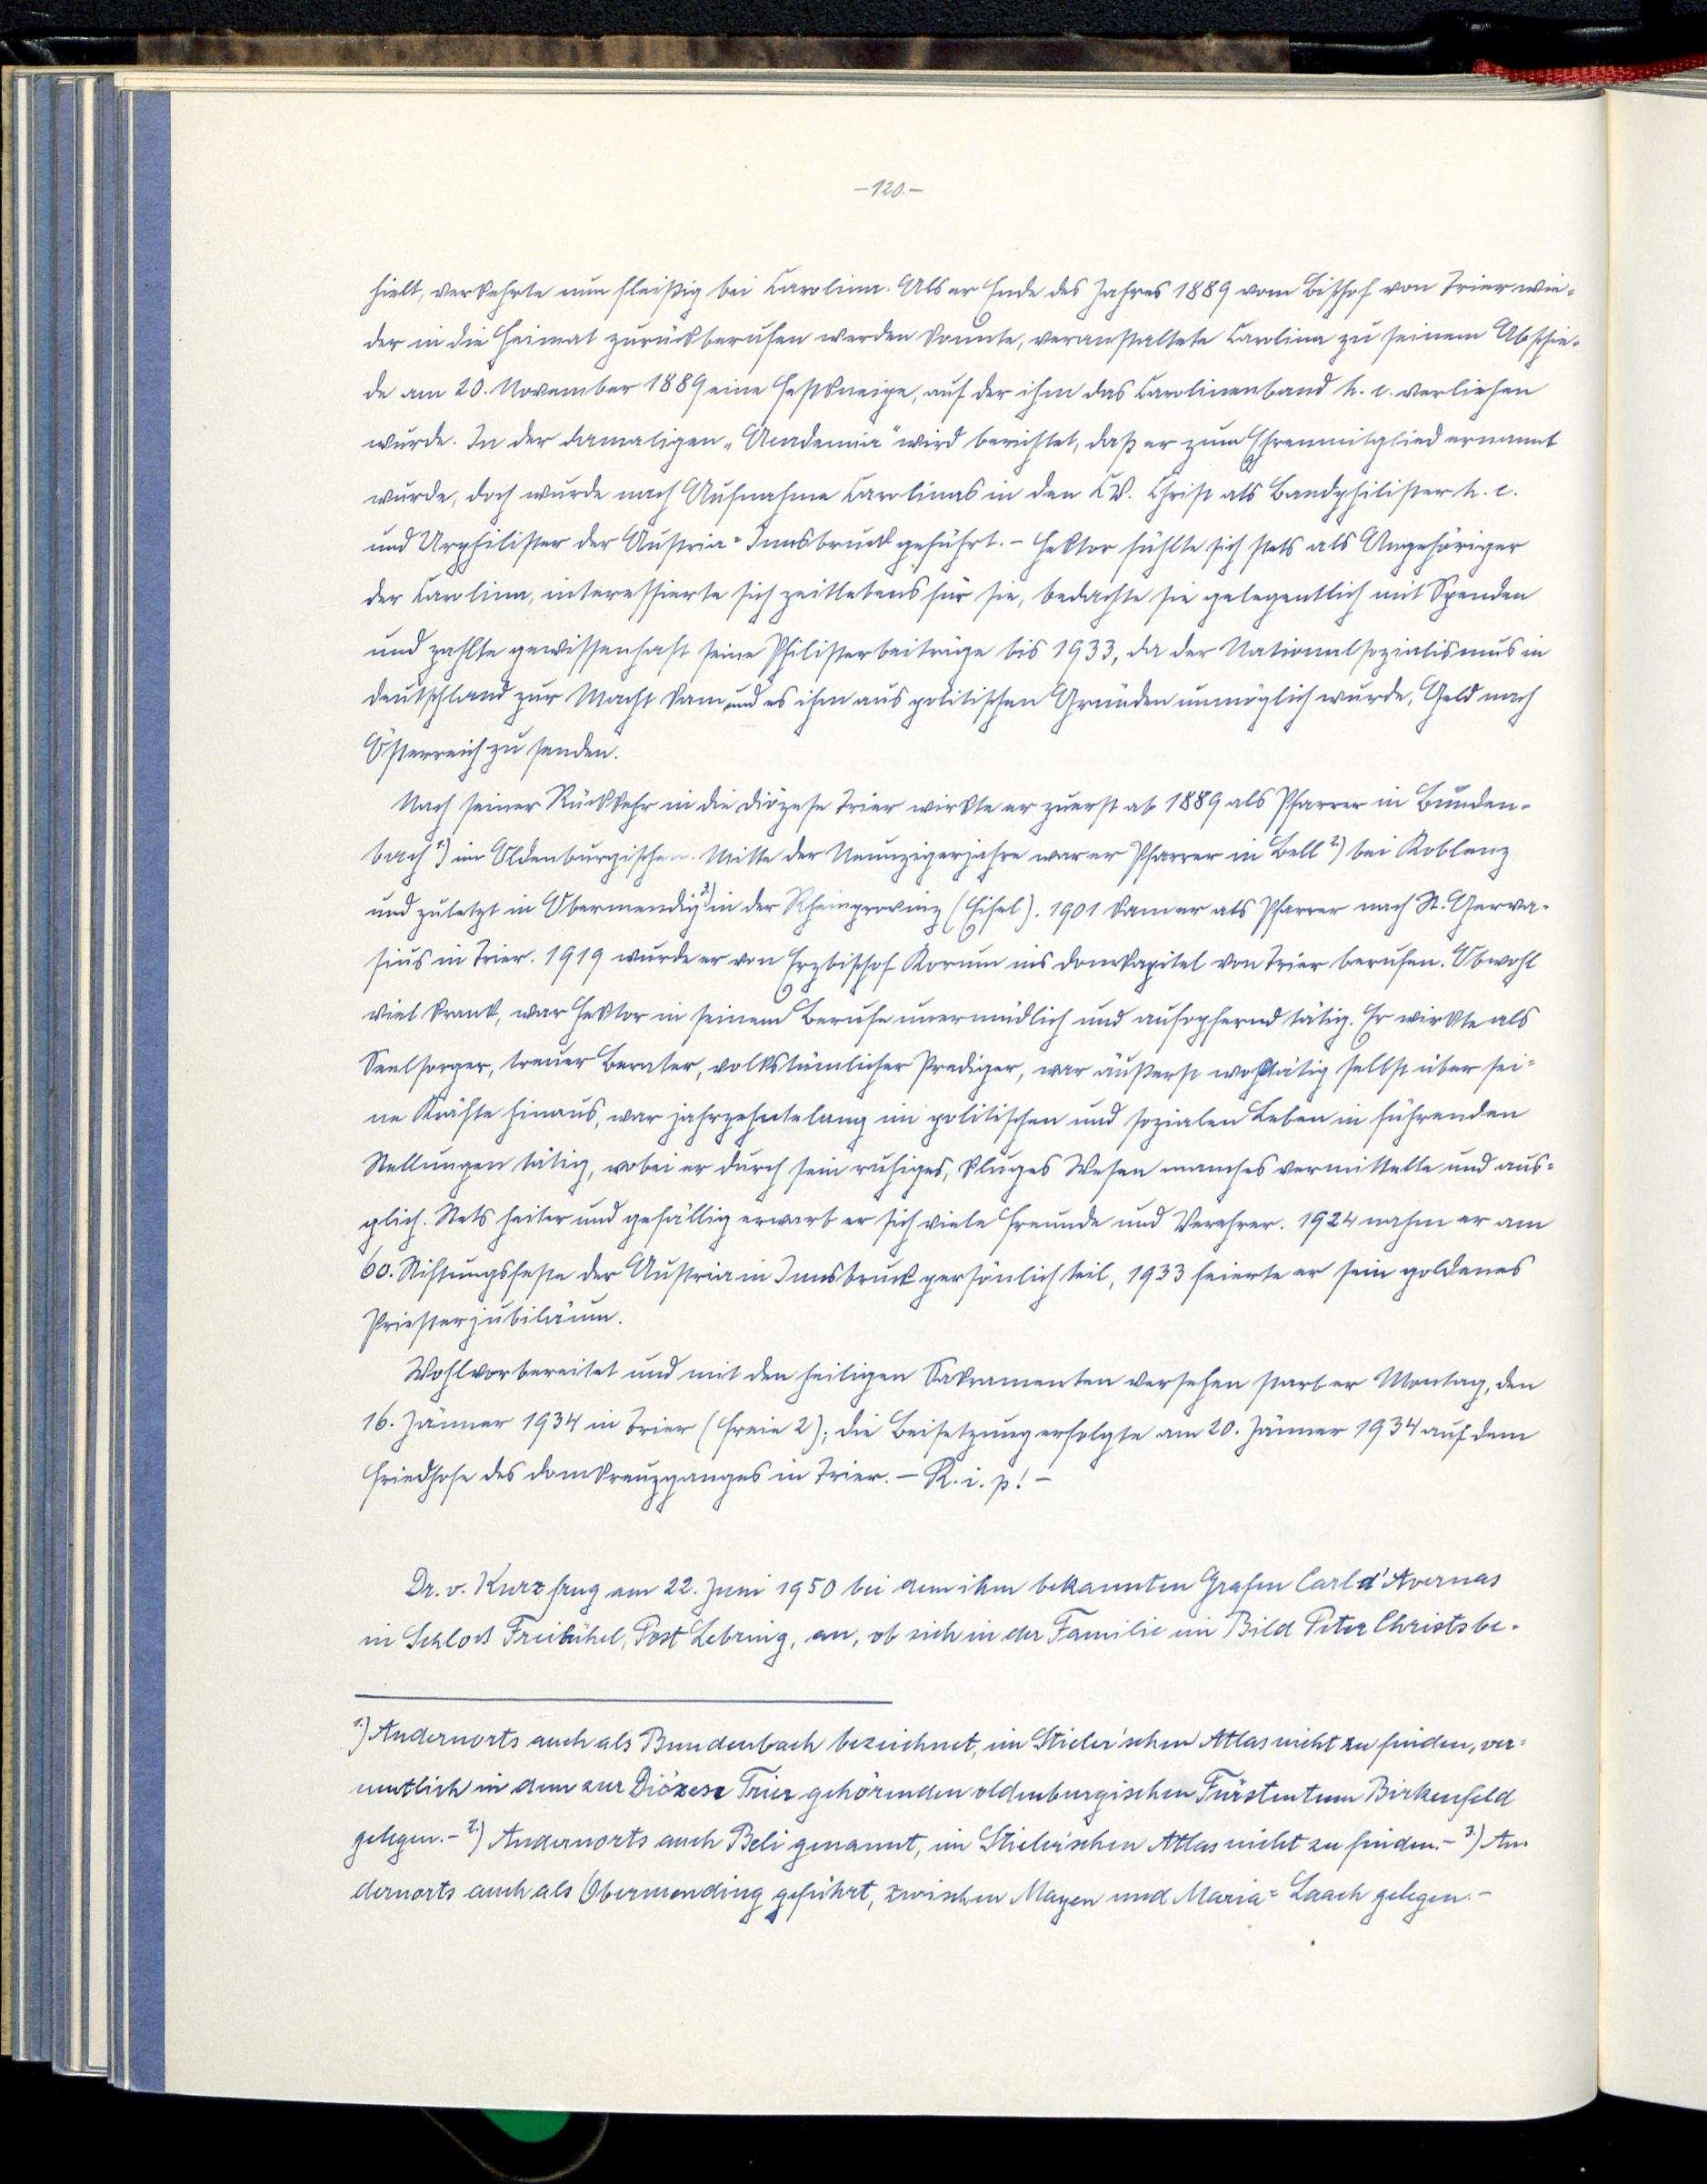hielt, verkehrte nun fleißig bei Carolina. Als er Ende des Jahres 1889 vom Bischof von Trier wie-
der in die Heimat zurückberufen werden konnte, veranstaltete Carolina zu seinem Abschie-
de am 20. November 1889 eine Festkneipe, auf der ihm das Carolinenband h. c. verliehen
wurde. In der damaligen „Academia" wird berichtet, dass er zum Ehrenmitglied ernannt
wurde, doch wurde nach Aufnahme Carolinas in den CV Christ als Bandphilister h. c.
und Urphilister der Austria- Innsbruck geführt.- Hektor fühlte sich stets als Angehöriger
der Carolina, interessierte sich zeitlebens für sie, bedachte sie gelegentlich mit Spenden
und zahlte gewissenhaft seine Philisterbeiträge bis 1933, da der Nationalsozialismus in
Deutschland zur Macht kam und es ihn aus politischen Gründern unmöglich wurde, Geld nach
Österreich zu senden.
Nach seiner Rückkehr in die Diözese Trier wirkte er zuerst ab 1889 als Pfarrer in Bunden-
bach im Oldenburgischen. Mitte der Neunzigerjahre war er Pfarrer in Bell 2) bei Koblenz
und zuletzt in Obermendig in der Rheinprovinz (Eifel). 1901 kam er als Pfarrer nach St. Gervar-
sius in Trier. 1919 wurde er von Erzbischof Korun ins Domkapitel von Trier berufen. Obwohl
viel krank, war Hektor in seinem Beruf unermüdlich und aufopfernd tätig. Er wirkte als
Seelsorger, treuer Berater, volkstümlicher Prediger, war äußerst wohltätig selbst über sei-
ne Kräfte hinaus, war jahrzehntelang im politischen und sozialen Leben in führenden
Stellungen tätig, wobei er durch sein ruhiges, kluges Wesen manches vermittelte und aus-
glich. Stets heiter und gefällig erwarb er sich viele Freunde und Verehrer. 1926 nahm er am
60. Stiftungsfeste der Austria in Innsbruck persönlich teil, 1933 feierte er sein goldenes
Priesterjubiläum.
Wohl vorbereitet und mit den heiligen Sakamenten versehen starb er Montag, den
16. Jänner 1934 in Trier (Freie 2), die Beisetzung erfolgte am 20. Jänner 1934 auf dem
Friedhofe des Domkreuzganges in Trier.- R.i.p.!
Dr. vor. Kurz frug am 22. Juni 1950 bei dem ihm bekannten Graf Carl d' Avernas
in Schloß Freibühel,Post Lebring an, ob sich in der Familie ein Bild Peter Christs be-
1) Audernorts auch als Bundenbach bezeichnet, im Stieler'schen Atlas nicht zu finden ver-
mutlich in dem zur Diözese Trier gehärenden oldenburgischen Fürstentum Birkenfeld
gelegen.- 2) Andernorts auch Beli genannt, im Stieler'schen Atlas nicht zu finden.- 3) An-
dernorts auchals Obermending geführt, zwischen Mayetragen und Maria- Lazch geegent.-